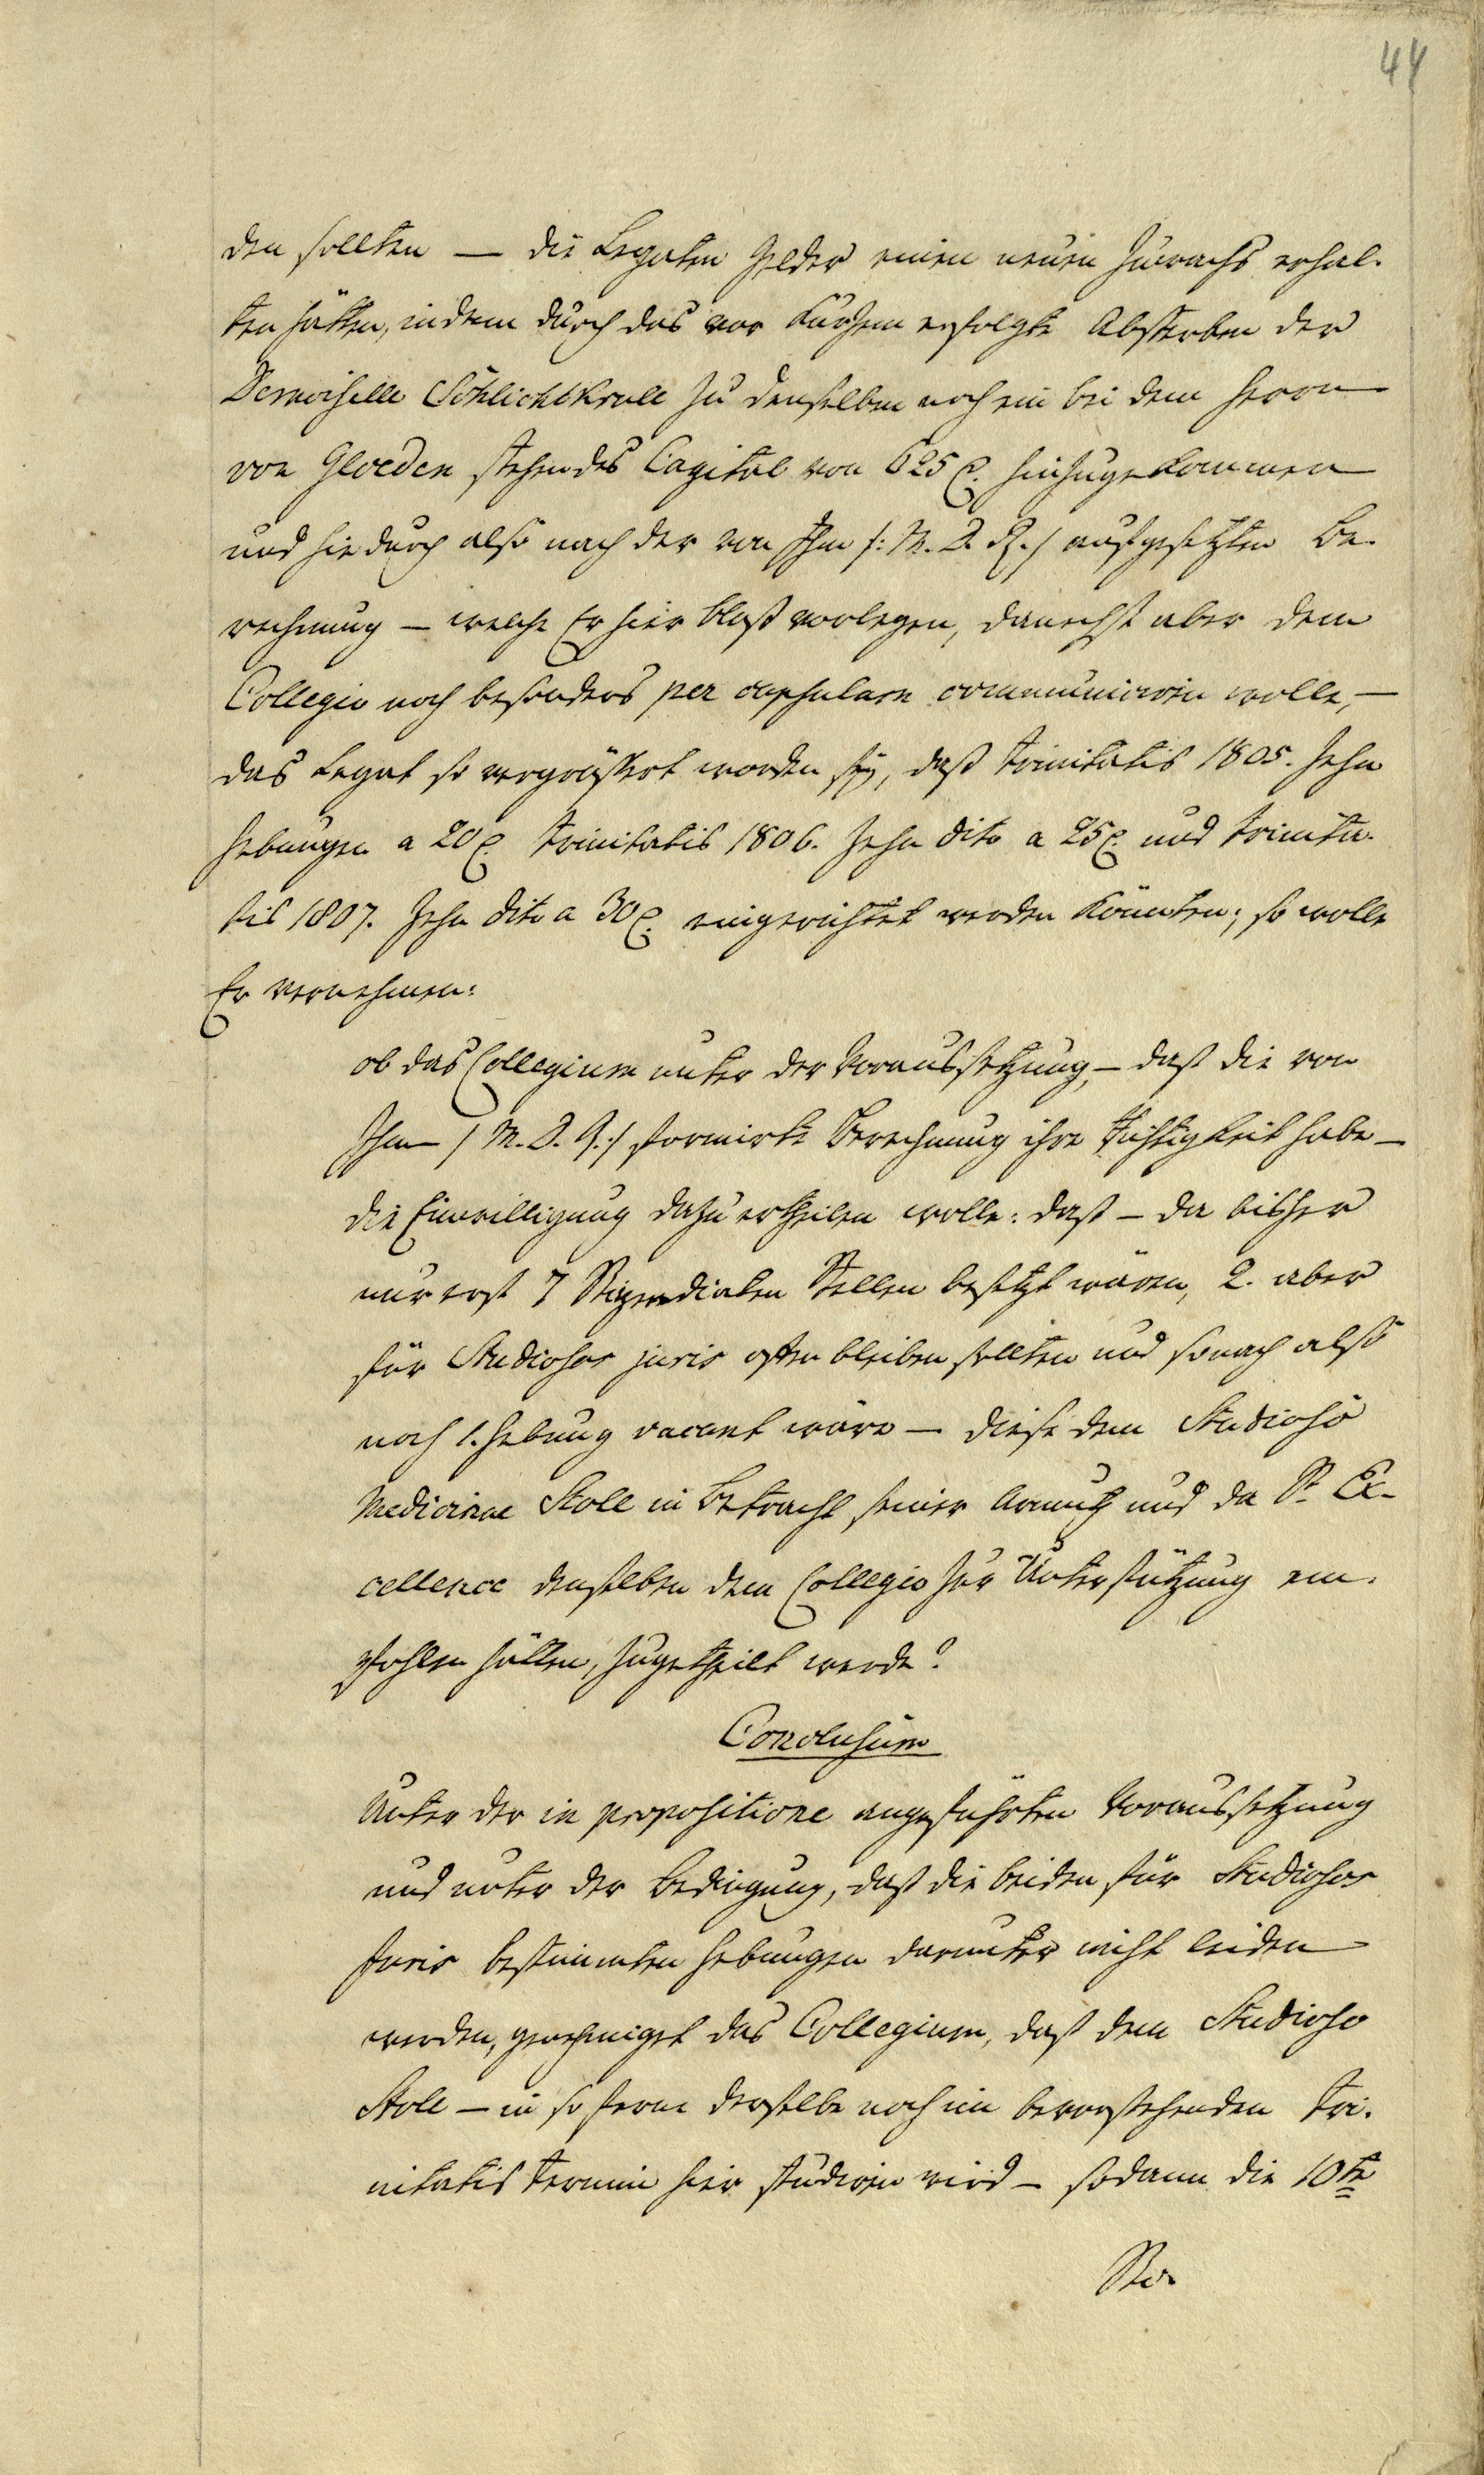den sollten - die Legaten Gelder einen neuen Zuwachs erhal¬
ten hätten, indem durch das vor kurzem erfolgte Absterben der
Demoiselle Schlichtkrull zu denselben noch ein bei dem Herrn
von Gloeden stehendes Capital von 625 l. hinzugekommen
und hiedurch also nach der von Ihm /. M. D. R./ aufgesetzten Be¬
rechnung - welche Er hier bloß vorlegen, danechst aber dem
Collegio noch besonders per capsulam communiciren wolle, -
das Legat so vergrössert worden seÿ, daß Trinitatis 1805. Zehn
Hebungen a 20 l. Trinitatis 1806. Zehn dito a 25 l. und Trinita¬
stis 1807. Zehn dito a. 30 l. eingerichtet werden könnten; so wolle
Er vernehmen:
ob das Collegium unter der Voraussetzung, - daß die von
Ihm /M. D. R./ formirte Berechnung ihre Richtigkeit habe -
die Einwilligung dazu ertheilen wolle: daß - da bisher
nur erst 7 Stipendiaten Stellen besetzt wären, 2. aber
für Studiosos juris offen bleiben sollten und sonach also
noch 1. Hebung vacant wäre - diese dem Studioso
Medicinae Stoll in Betracht seiner Armuth und da Sr Ex¬
cellence denselben dem Collegio zur Unterstützung em¬
pfohlen hätten, zugetheilt werde?
Conclusum
Unter der in propositione angeführten Voraussetzung
und unter der Bedingung, daß die beiden für Studiosos
Juris bestimmten hebungen darunter nicht leiden
werden, genehmiget das Collegium, daß dem Studioso
Stolle - in so ferne derselbe noch im bevorstehenden Tri¬
nitatis Termin hier studiren wird - sodann die 10 te
Sti